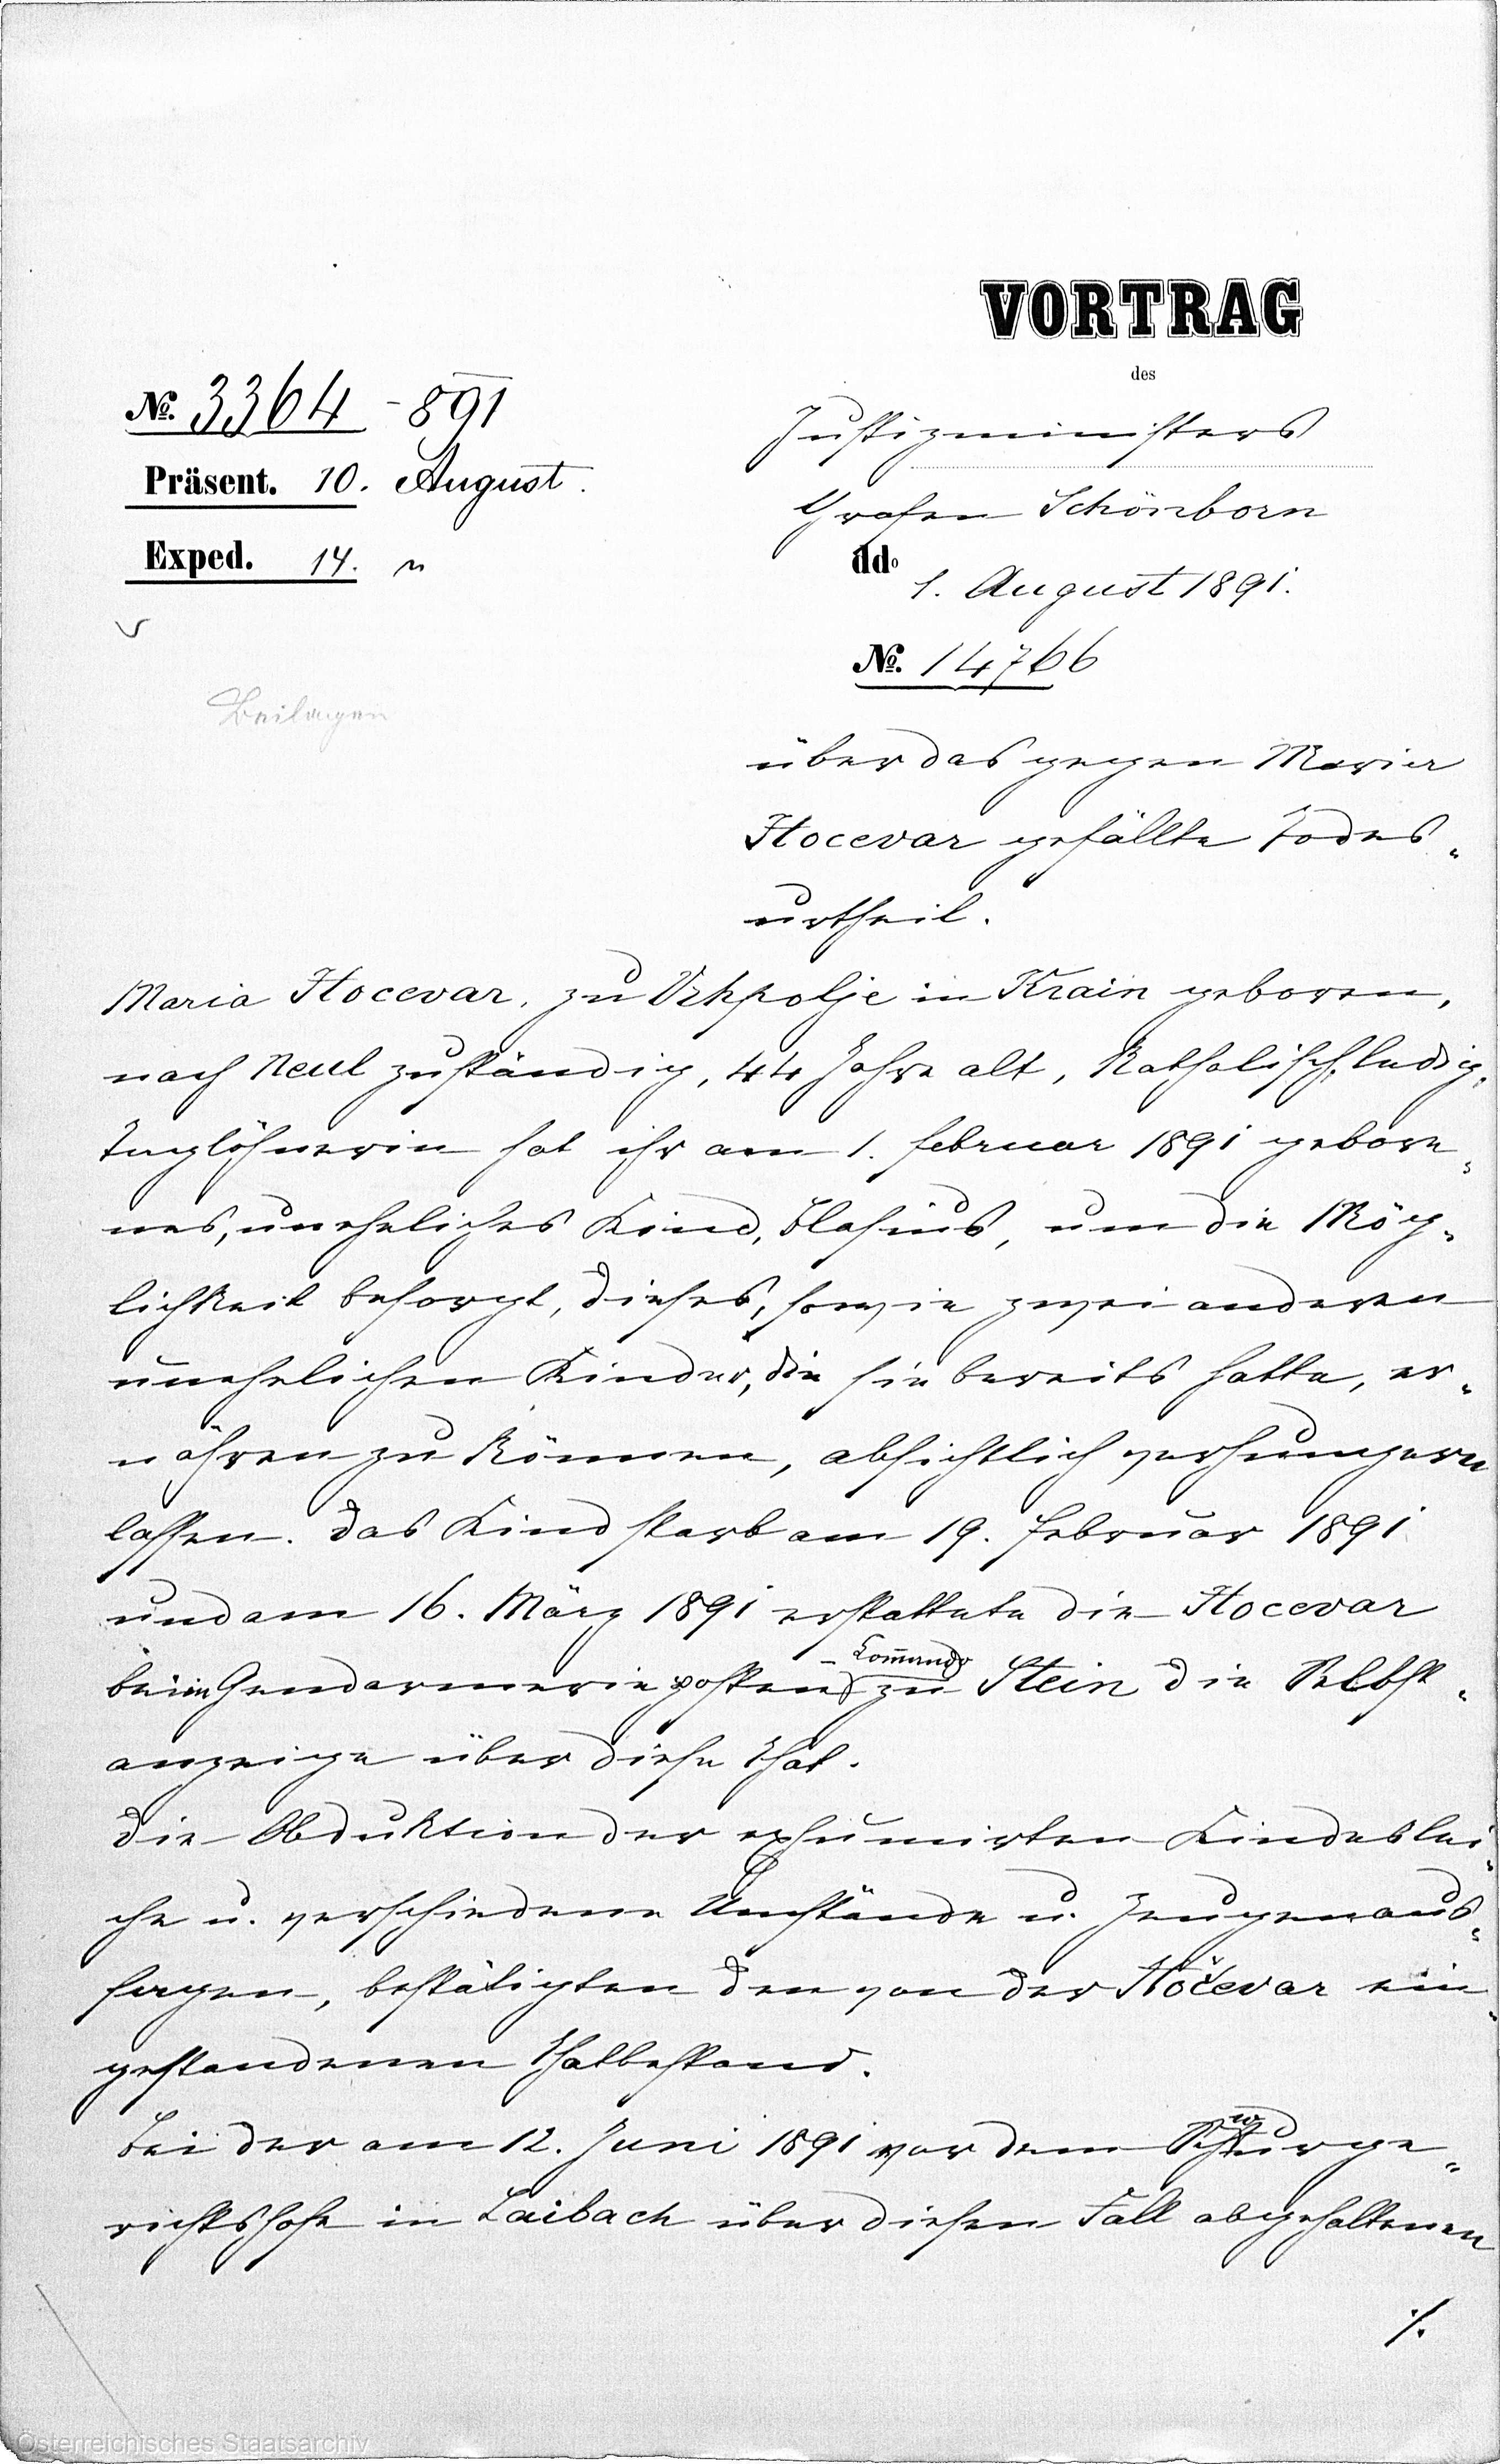VORTRAG
des
Justizministers
Grafen Schönborn
ddo 1. August 1891
No. 14766
Über das gegen Maria
Hocevar gefällte Todes¬
urtheil.
Maria Hocevar, zu Vrhpolje in Krain geboren,
nach Neul zuständig, 44 Jahre alt, katholisch, ledig,
Taglöhnerin hat ihr am 1. Februar 1891 gebore¬
nes, uneheliches Kind, Blasius, um die Mög¬
lichkeit besorgt, dieses, sowie zwei anderen
unehelichen Kinder, die sie bereits hatte, er¬
nähren zu können, absichtlich verhungern
lassen. Das Kind starb am 19. Februar 1891
und am 16. März 1891 erstattete die Hocevar
Commando
beim Gendarmerieposten- zu Stein die Selbst¬
anzeige über diese That.
Die – Obduktion der exhumirten Kindeslei¬
che u. verschiedene Umstände u. Zeugenaus¬
sagen, bestätigten den von der Hočevar ein¬
gestandenen Thatbestand.
w
Bei der am 12. Juni 1891 vor dem Schurge¬
richtshofe in Laibach über diesen Fall abgehaltenen
No. 3364 - 1891
Präsent. 10. August
Exped. 14. „
Beilagen